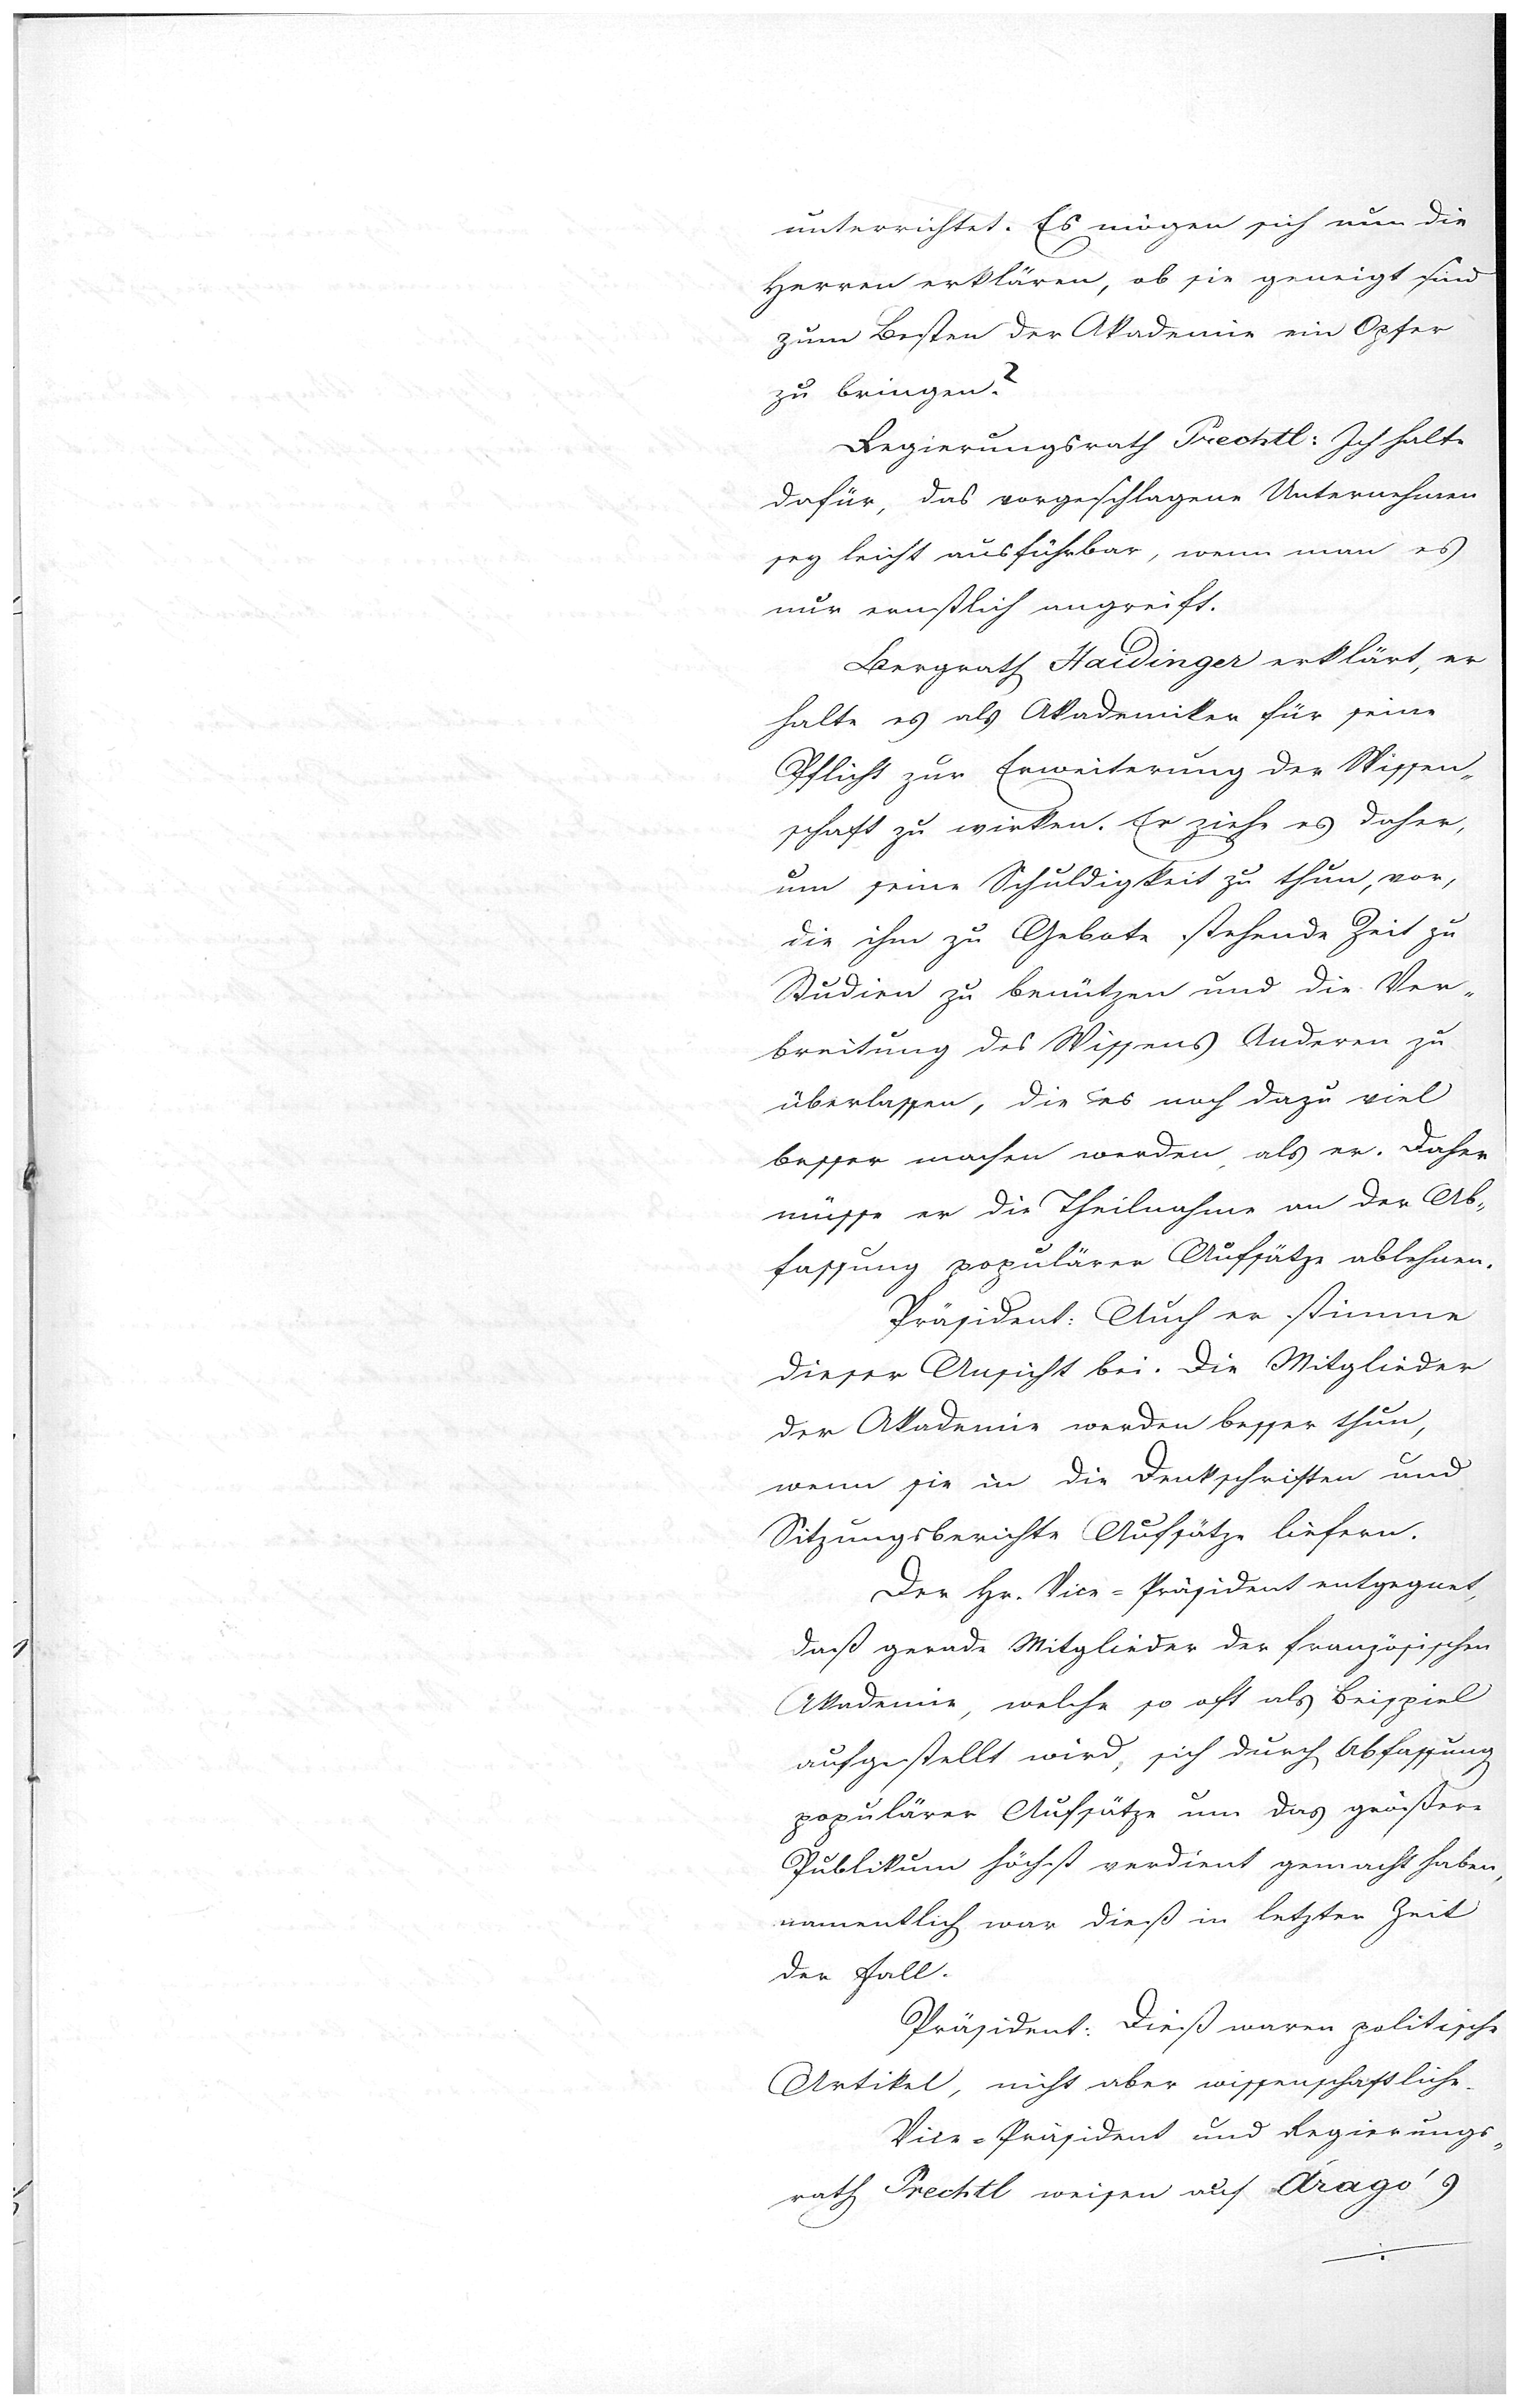unterrichtet. Es mögen sich nun die
Herren erklären, ob sie geneigt sind
zum Besten der Akademie ein Opfer
zu bringen?
Regierungsrath Prechtl: Ich halte
dafür, das vorgeschlagene Unternehmen
sey leicht ausführbar, wenn man es
nur ernstlich angreift.
Bergrath Haidinger erklärt, er
halte es als Akademiker für seine
Pflicht zur Erweiterung der Wissen-
schaft zu wirken. Er ziehe es daher,
um seine Schuldigkeit zu thun, vor,
die ihm zu Gebote stehende Zeit zu
Studien zu benützen und die Ver-
breitung des Wissens Anderen zu
überlassen, die es noch dazu viel
besser machen werden, als er. Daher
müsse er die Theilnahme an der Ab-
fassung populärer Aufsätze ablehnen.
Präsident: Auch er stimme
dieser Ansicht bei. Die Mitglieder
der Akademie werden besser thun,
wenn sie in die Denkschriften und
Sitzungsberichte Aufsätze liefern.
Der Hr. Vice-Präsident entgegnet,
daß gerade Mitglieder der französischen
Akademie, welche so oft als Beispiel
aufgestellt wird, sich durch Abfassung
populärer Aufsätze um das größere
Publikum höchst verdient gemacht haben,
namentlich war dieß in letzter Zeit
der Fall.
Präsident: Dieß waren politische
Artikel, nicht aber wissenschaftliche.
Vice-Präsident und Regierungs-
rath Prechtl weisen auf Arago's